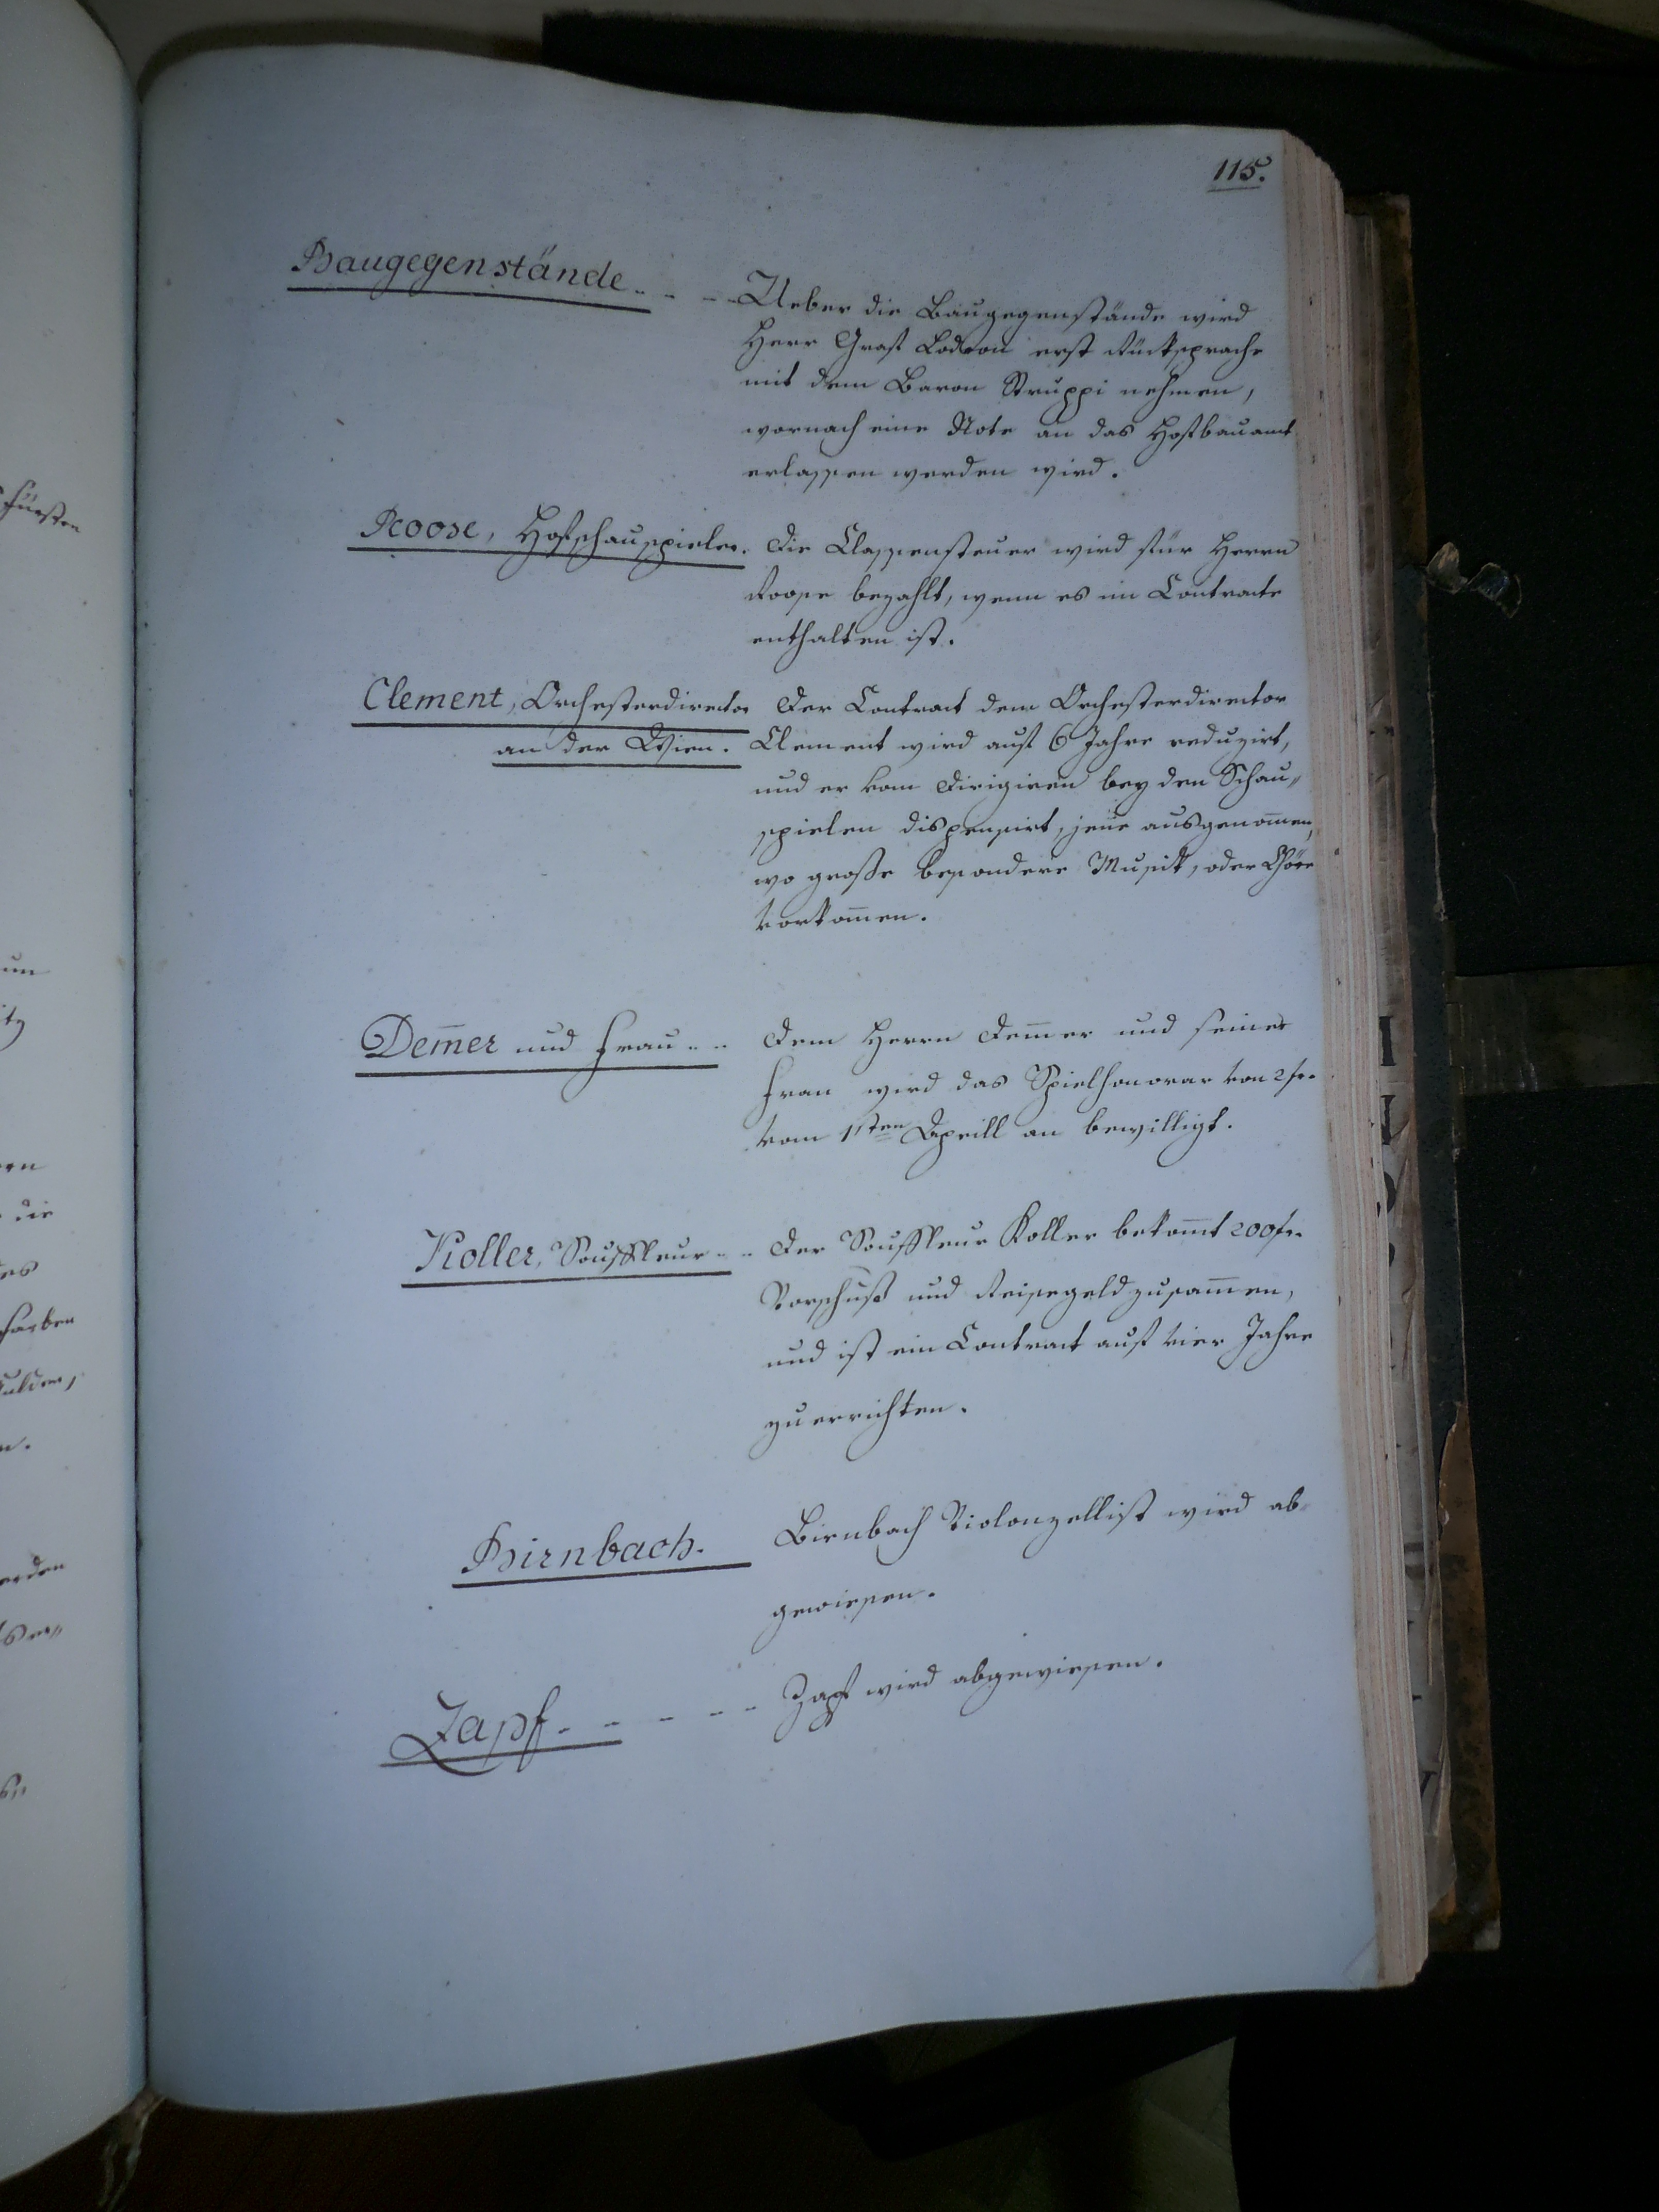115.
Baugegenstände .. .. .. Ueber die Baugegenstände wird
Herr Graf Lodron erst Rücktsprache
mit dem Baron Struppi nehmen,
wornach eine Note an das Hofbauamnt
erlassen werden wird.
Roose, Hofschauspieler. Die Classensteuer wird für Herrn
Roose bezahlt, wenn es in Contracte
enthalten ist.
Clement, Orchesterdirector
an der Wien.
Der Contract dem Orchesterdirector
Clement wird auf 6 Jahre reduzirt,
und er vom Dirigiren bey den Schau¬
spielen dispensirt , jene ausgenom̅en
wo große besondere Musik, oder Chöre
vorkom̅en.
Dem̅er und Frau .. .. Dem Herrn Dem̅er und seiner
Frau wird das Spielhonorar von 2fr.
vom 1ste͇n Aprill an bewilligt.
Koller, Souffleur .. .. Der Souffleur Koller bekom̅t 200fr.
Vorschuß und Reisegeld zusam̅en,
und ist ein Contract auf vier Jahre
zu errichten.
Birnbach. Birnbach Violonzellist wird ab¬
gewiesen.
Zapf .. .. .. .. .. Zapf wird abgewiesen.